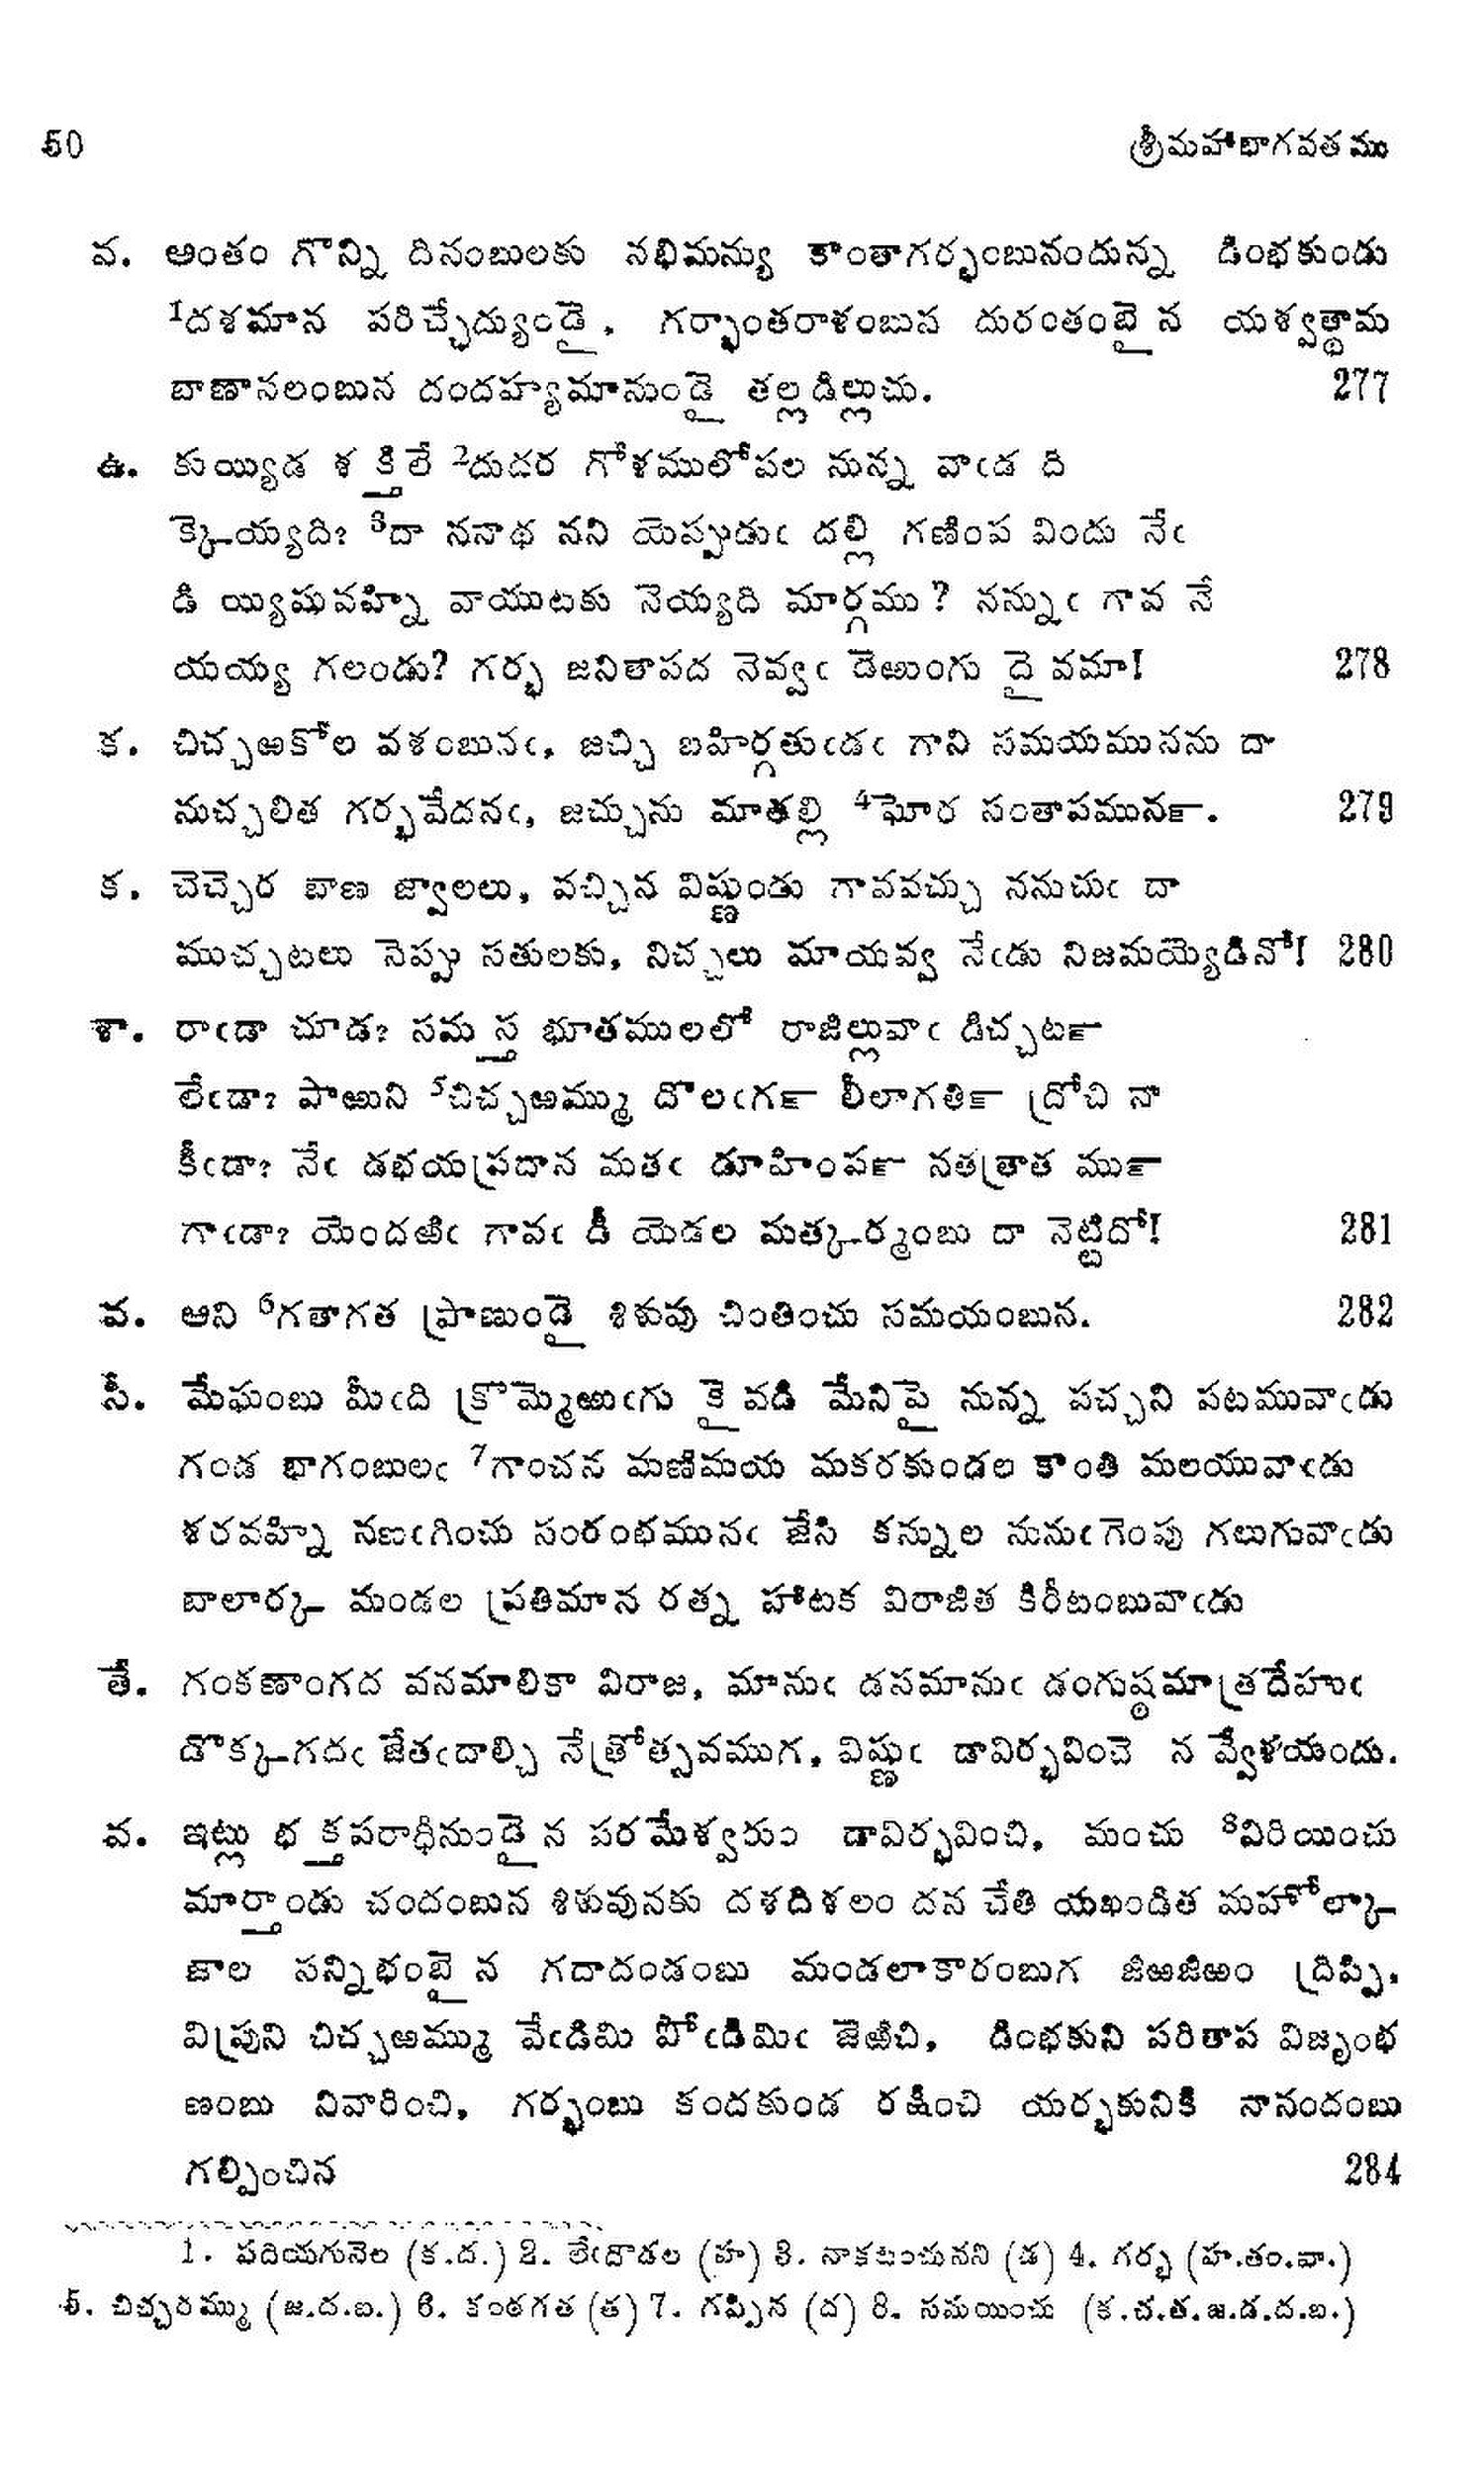50

వ. అంతం గొన్ని దినంబులకు నభిమన్యు కాంతాగర్భంబునందున్న డింభకుండు దశమాన పరిచ్ఛేద్యుండై,గర్భాంతరాళంబున దురంతంబైస యశ్వత్థామ బాణానలంబున దందహ్యమానుండై తల్లడిల్లుచు. (1-277)

ఉ. కుయ్యిడ శక్తిలే దుదర గోళములోపల నున్న వాఁద ది

క్కెయ్యది? దా ననాథ నని యెప్పుడుఁ దల్లి గణింప విందు నేఁ 

డియ్యిషువహ్ని వాయుట్కు నెయ్యది మార్గము? నన్నుఁ గావ నే

యయ్య గలండు? గర్భ జనితాపద నెవ్వఁ డెఱుంగు దైవమా! (1-278)

క. చిచ్చఱకోల వశంబునఁ, జచ్చిన బహిర్గతుడుఁ గాని సమయమునను దా

నుచ్చలిత గర్భవేదనఁ, జచ్చును మాతల్లి ఘెర సంతాపమున్. (1-279)

క. చెచ్చెర బాణ జ్వాలలు, వచ్చిన విష్ణండు గావవచ్చు ననుచుఁ దా

ముచ్చటలు సెప్పు సతులకు, నిచ్చలు మాయవ్వ నేఁడు నిజమయ్యెడినో! (1-280)

శా. రాఁడా చూడు? సమస్త భూతములులో రాజిల్లువాఁ డిచ్చటన్

లేడా? పాఱుని చ్చిచ్చఱమ్ము దిలగన్ లీలాగతిన్ ద్రోచి నా

కీడా? నేఁ డభయప్రదాన మతఁ దూహింపన్ నతత్రాత మున్

గాఁడా? యెందఱిఁ గావఁడీ యెడల మత్కర్మంబు దా నెట్టిదో! (1-281)

వ. అని గతాగత పాణుండై శిశువు చింతించు సమయంబున. (1-282)

సీ. మేఘంబు మీఁద క్రొమ్మెఱుఁగు కైవడి మేనిపై నున్న పచ్చని పటమువాఁడు

గండ భాగంబులఁ గాంచన మణినయ మకరకుండల కాంతి మలయువాఁడు

శరవహ్ని నణఁగించు సంరంభమునఁ జేసి కన్నుల నునుఁగేంపు గలుగువాఁడు

బాలార్క మండల ప్రతిమాన రత్న హాటక విరాజిత కిరీటంబువాఁడు

తే. గంకణాంగద వనమాలి విరాజి, మానుఁ డసమానుఁ డంగుష్టమాత్రదేహుఁ 

డొక్కగదఁ జేతఁదాల్చి నేత్రోత్సవమగు, విష్ణుఁ డావిర్భవించె న వ్వేళయందు. (1-283)

వ. ఇట్లు భక్తపరాధీనుండైన పరమేశ్వరుం డావిర్భవించి, మంచు విరియించు మార్తాండు చందంబున శిశుకునకు దశదిశలం యఖండిత మహోల్కాజాల సన్నిభంబైన గదాదండంబు మండలాకారంబుగ జిఱజిఱం ద్రిప్పి, విప్రుని చిచ్చరమ్ము వేఁడిమి పోఁడిమిఁ జెఱిచి, డింభకుని పరితాప విజృంభణంబు నివారించి, గర్భంబు కందకుండ రక్షించి యర్భకునికి నానందంబు గల్పించిన. (1-284)